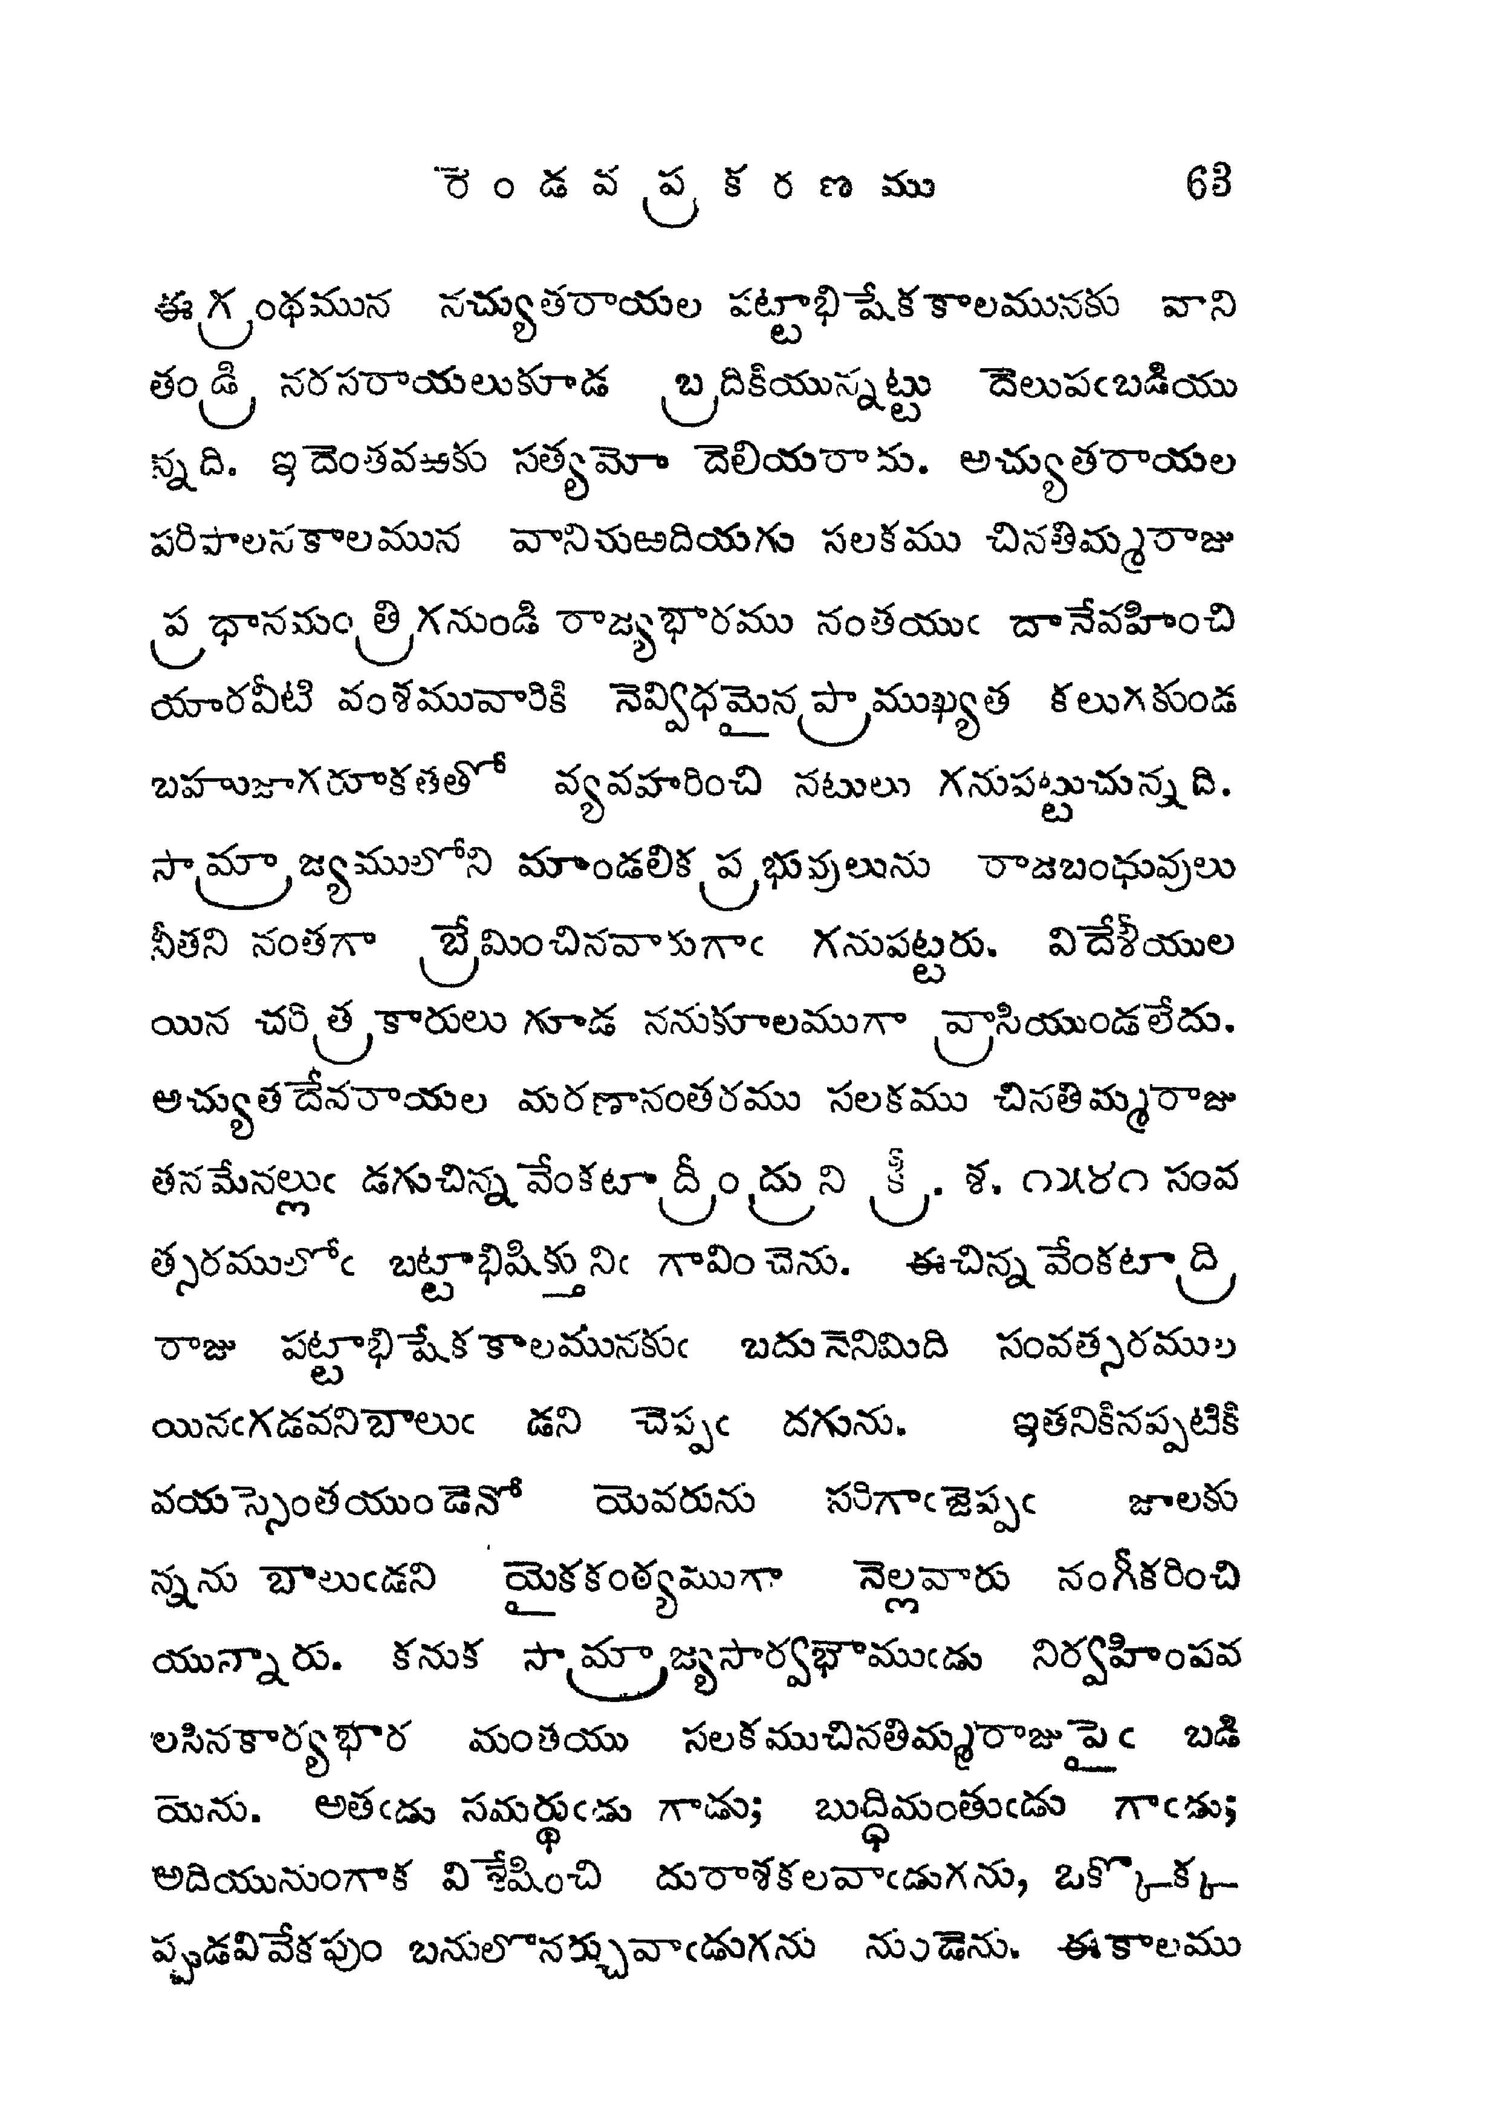ఈగ్రంథమున నచ్యుతరాయల పట్టాభిషేకకాలమునకు వానితండ్రి నరసరాయలుకూడ బ్రదికియున్నట్టు దెలుపబడియున్నది. ఇదెంతవఱకు సత్యమో దెలియరాదు. అచ్యుతరాయల పరిపాలనకాలమున వానిమఱిదియగు సలకము చినతిమ్మరాజు ప్రధానమంత్రిగనుండి రాజ్యభారము నంతయు దానేవహించి యారవీటి వంశమువారికి నెవ్విధమైనప్రాముఖ్యత కలుగకుండ బహుజాగరూకతతో వ్యవహరించి నటులు గనుపట్టుచున్నది. సామ్రాజ్యములోని మాండలికప్రభువులును రాజబంధువులు నీతని నంతగా బ్రేమించినవారుగా గనుపట్టరు. విదేశీయులయిన చరిత్రకారులు గూడ ననుకూలముగా వ్రాసియుండలేదు. అచ్యుతదేవరాయల మరణానంతరము సలకము చినతిమ్మరాజు తనమేనల్లు డగుచిన్నవేంకాటాద్రీంద్రుని క్రీ. శ. 1541 సంవత్సరములో బట్టాభిషిక్తుని గావించెను. ఈచిన్న వేంకటాద్రి రాజు పట్టాభిషేకకాలమునకు బదునెనిమిది సంవత్సరములయిన గడవనిబాలు డని చెప్ప దగును. ఇతనికినప్పటికి వయస్సెంతయుండెనో యెవరును సరిగాజెప్ప జాలకున్నను బాలుడని యైకకంఠ్యముగా నెల్లవారు నంగీకరించి యున్నారు. కనుక సామ్రాజ్యసార్వభౌముడు నిర్వహింపవలసినకార్యభార మంతయు సలకముచినతిమ్మరాజుపై బడియెను. అతడు సమర్థుడు గాడు; బుద్ధిమంతుడు గాడు; అదియునుంగాక విశేషించి దురాశకలవాడుగను, ఒక్కొక్కప్పుడవివేకపుం బనులొనర్చువాడుగను నుండెను. ఈకాలము